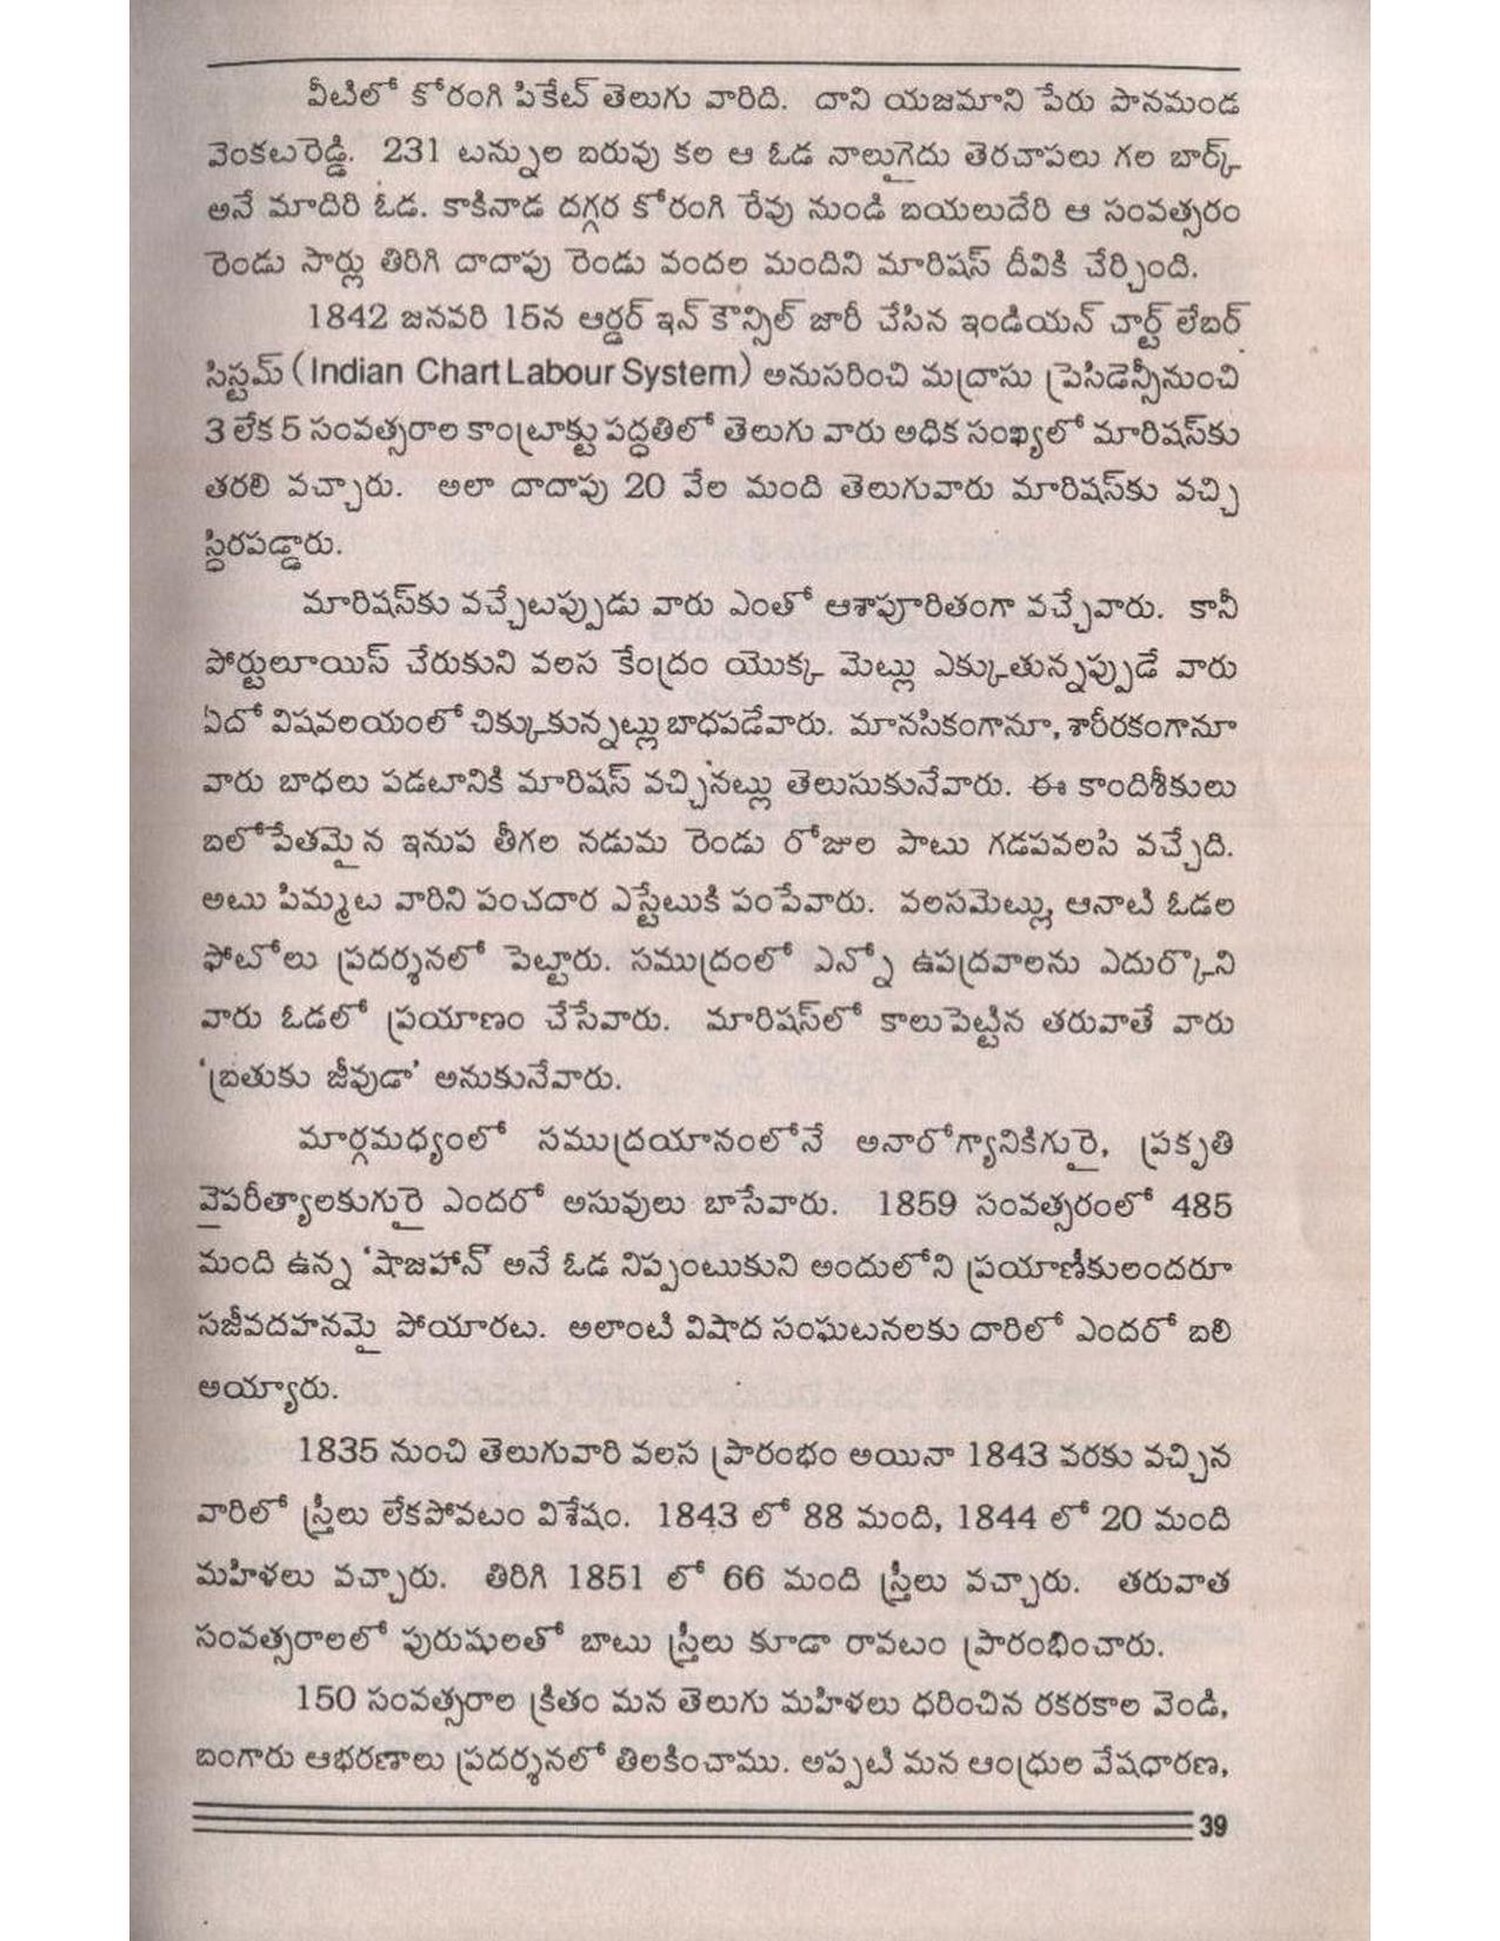వీటిలో కోరంగి పికేట్ తెలుగు వారిది. దాని యజమాని పేరు పానముండ వెంకటరెడ్డి. 231 టన్నుల బరువు కల ఆ ఓడ నాలుగైదు తెరచాపలు గల బార్క్ అనే మాదిరి ఓడ. కాకినాడ దగ్గర కోరంగి రేవు నుండి బయలుదేరి ఆ సంవత్సరం రెండు సార్లు తిరిగి దాదాపు రెండు వందల మందిని మారిషస్ దీవికి చేర్చింది.

1842 జనవరి 15న ఆర్డర్ ఇన్ కౌన్సిల్ జారీ చేసిన ఇండియన్ చార్ట్ లేబర్ సిస్టమ్ (Indian Chart Labour System) అనుసరించి మద్రాసు ప్రెసిడెన్సీనుంచి 3 లేక 5 సంవత్సరాల కాంట్రాక్టు పద్ధతిలో తెలుగు వారు అధిక సంఖ్యలో మారిషస్‌కు తరలి వచ్చారు. అలా దాదాపు 20 వేల మంది తెలుగువారు మారిషస్‌కు వచ్చి స్థిరపడ్డారు.

మారిషస్‌కు వచ్చేటప్పుడు వారు ఎంతో ఆశాపూరితంగా వచ్చేవారు. కానీ పోర్టులూయిస్ చేరుకుని వలస కేంద్రం యొక్క మెట్టు ఎక్కుతున్నప్పుడే వారు ఏదో విషవలయంలో చిక్కుకున్నట్టు బాధపడేవారు. మానసికంగానూ, శారీరకంగానూ వారు బాధలు పడటానికి మారిషస్ వచ్చినట్టు తెలుసుకునేవారు. ఈ కాందిశీకులు బలోపేతమైన ఇనుప తీగల నడుమ రెండు రోజుల పాటు గడపవలసి వచ్చేది. అటుపిమ్మట వారిని పంచదార ఎస్టేటుకి పంపేవారు. వలస మెట్లు ఆనాటి ఓడల ఫోటోలు ప్రదర్శనలో పెట్టారు. సముద్రంలో ఎన్నో ఉపద్రవాలను ఎదుర్కొని వారు ఓడలో ప్రయాణం చేసేవారు. మారిషస్‌లో కాలుపెట్టిన తరువాతే వారు బ్రతుకు జీవుడా అనుకునేవారు.

మార్గమధ్యంలో సముద్రయానంలోనే అనారోగ్యానికి గురై, ప్రకృతి వైపరీత్యాలకుగురై ఎందరో అసువులు బాసేవారు. 1859 సంవత్సరంలో 485 మంది ఉన్న షాజహాన్ అనే ఓడ నిప్పంటుకుని అందులోని ప్రయాణీకులందరూ సజీవదహనమై పోయారట. అలాంటి విషాద సంఘటనలకు దారిలో ఎందరో బిలి అయ్యారు.

1835 నుంచి తెలుగువారి వలస ప్రారంభం అయినా 1843 వరకు వచ్చిన వారిలో స్త్రీలు లేకపోవటం విశేషం. 1843 లో 88 మంది, 1844 లో 20 మంది మహిళలు వచ్చారు. తిరిగి 1851 లో 66 మంది స్త్రీలు వచ్చారు. తరువాత సంవత్సరాలలో పురుషులతో బాటు స్త్రీలు కూడా రావటం ప్రారంభించారు.

150 సంవత్సరాల క్రితం మన తెలుగు మహిళలు ధరించిన రకరకాల వెండి, బంగారు ఆభరణాలు ప్రదర్శనలో తిలకించాము. అప్పటి మన ఆంధ్రుల వేషధారణ,